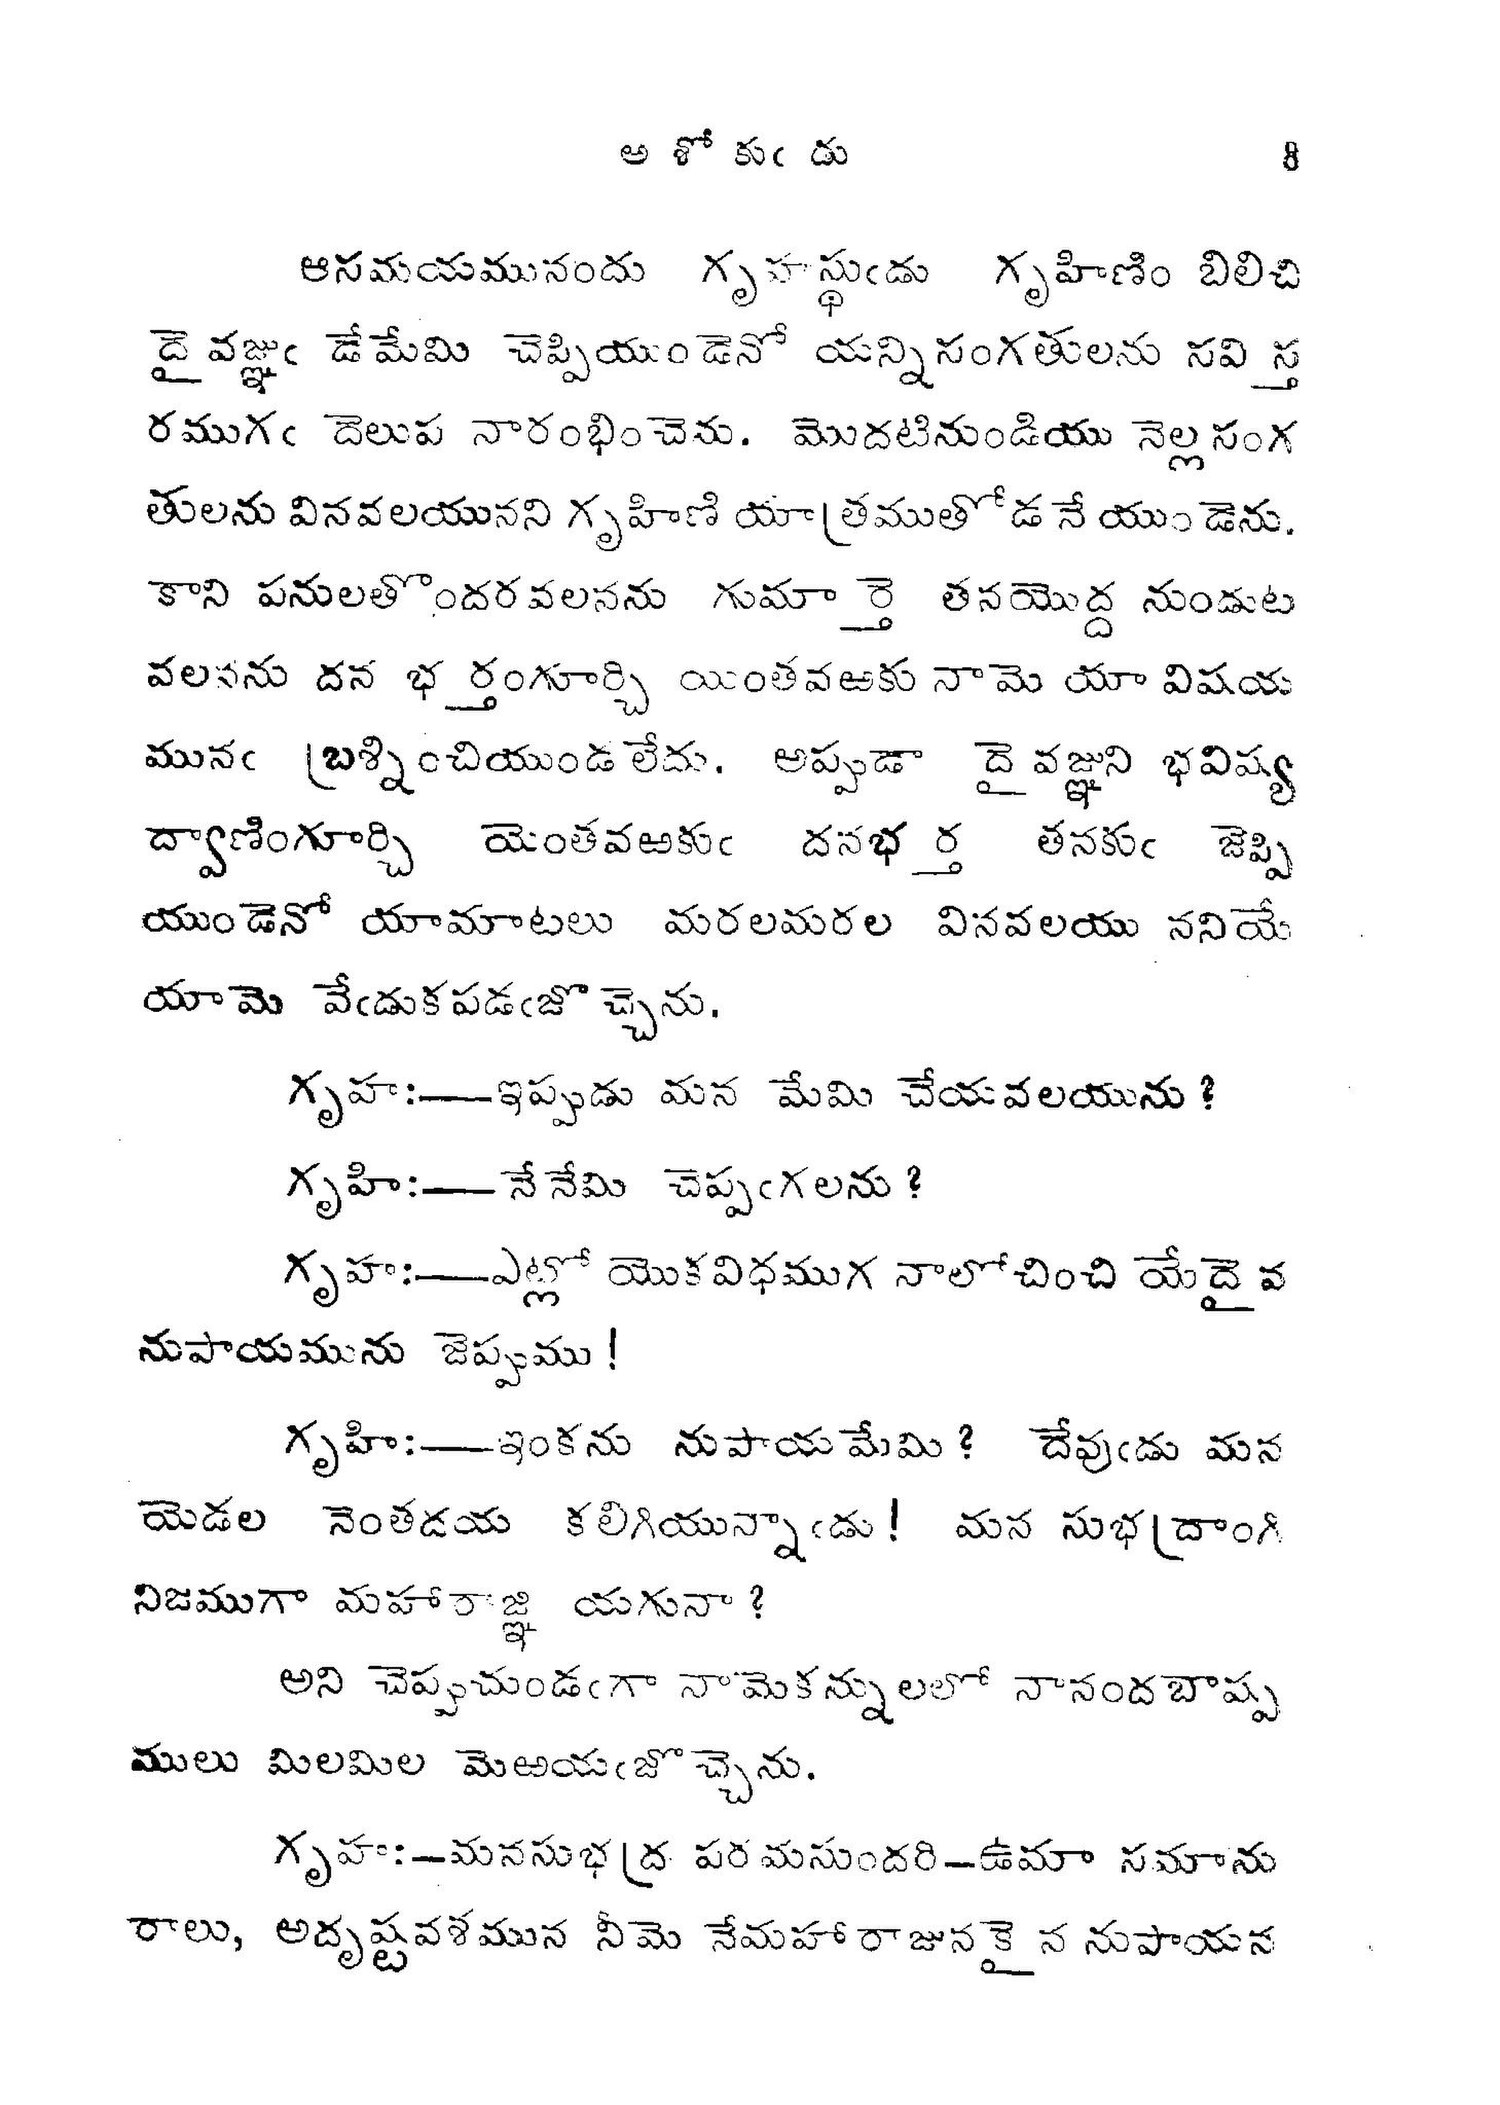ఆసమయమునందు గృహస్థుఁడు గృహిణిం బిలిచి దైవజ్ఞుఁ డేమేమి చెప్పియుండెనో యన్ని సంగతులను సవిస్తరముగఁ దెలుప నారంభించెను. మొదటినుండియు నెల్ల సంగతులను వినవలయునని గృహిణి యాత్రముతోడ నేయుండెను. కాని పనులతొందర వలనను గుమార్తె తన యొద్ద నుండుట వలనను దన భర్తంగూర్చి యింతవఱకు నామె యా విషయమునఁ బ్రశ్నించియుండ లేదు. అప్పుడా దైవజ్ఞుని భవిష్య ద్వాణింగూర్చి యెంతవఱకుఁ దనభర్త తనకుఁ జెప్పి యుం డెనో యామాటలు మరలమరల వినవలయు ననియే యామె వేఁడుకపడఁజొచ్చెను.

గృహ:- ఇప్పుడు మన మేమి చేయవలయును?

గృహి:- నేనేమి చెప్పఁగలను?

గృహ:-ఎట్లో యొక విధముగ నాలోచించి యేదైన నుపాయమును జెప్పుము !

గృహి:- ఇంకను నుపాయమేమి? దేవుఁడు మన యెడల నెంతదయ కలిగియున్నాఁడు! మన సుభద్రాంగి నిజముగా మహారాజ్ఞి యగునా?

అని చెప్పుచుండఁగా నా మెకన్నులలో నానంద బాష్పములు మిలమిల మెఱయఁజొచ్చెను.

గృహ:-మనసుభద్ర పర మసుందరి-ఉమా సమానురాలు, అదృష్టవశమున నీమె నేమహా రాజునకై న నుపాయన